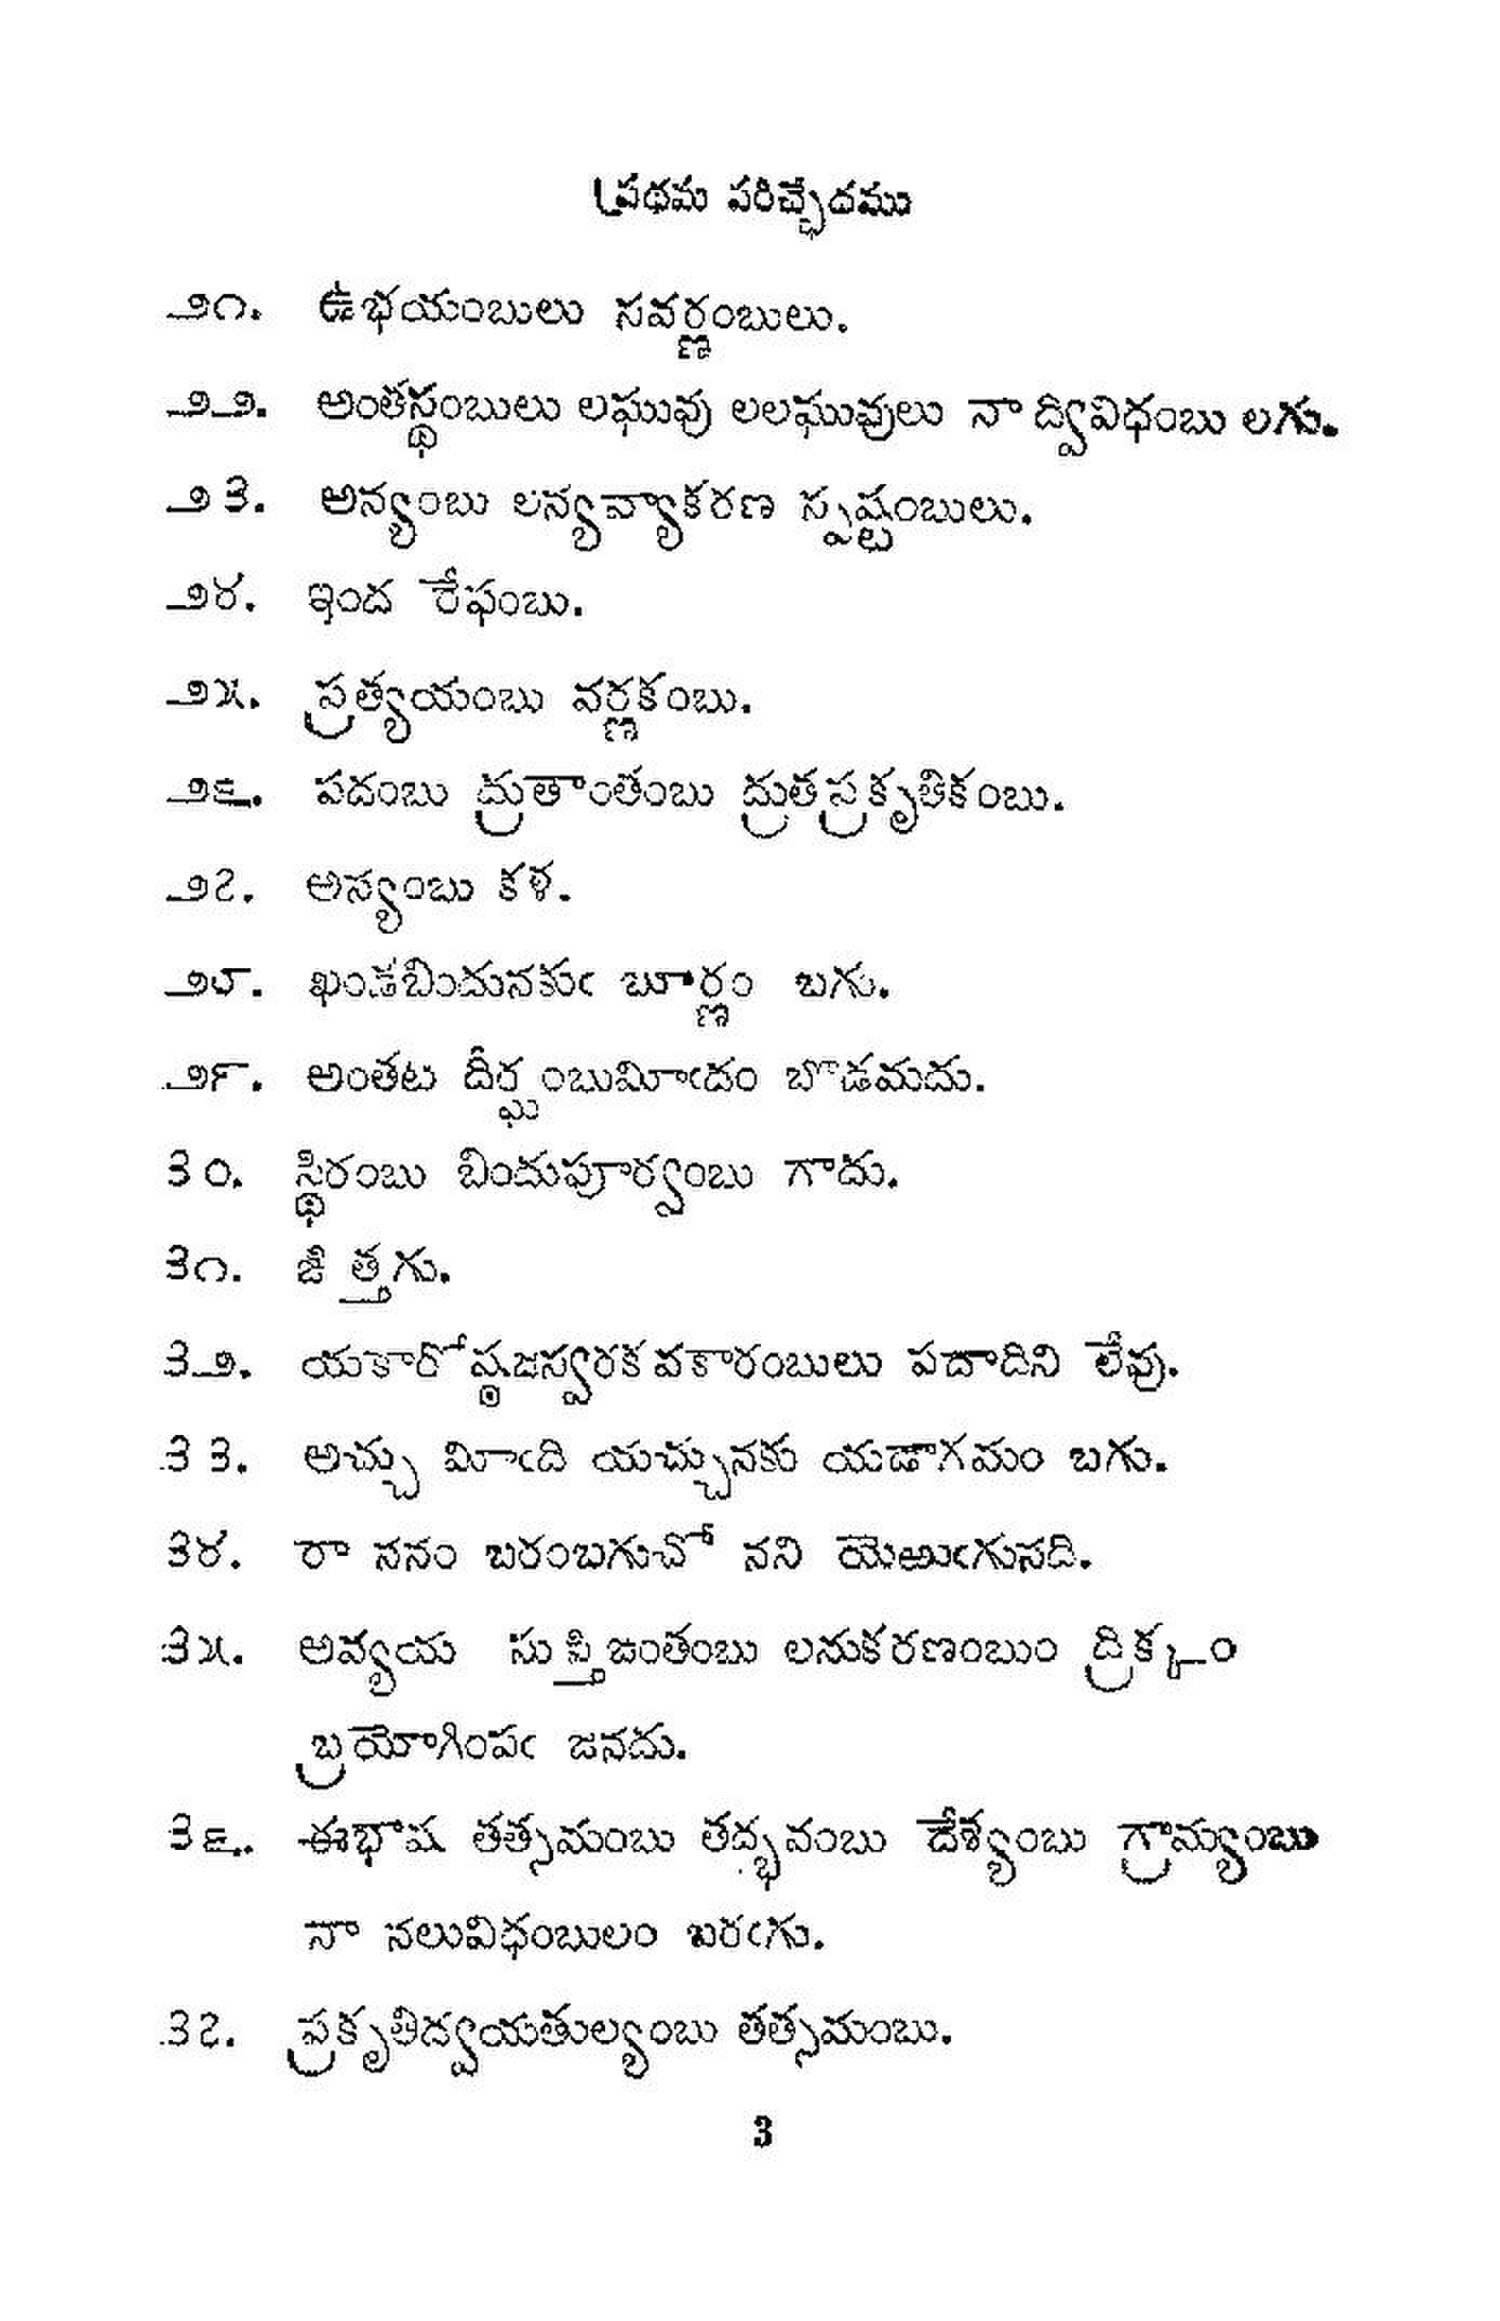21. ఉభయంబులు సవర్ణంబులు. 

22. అంతస్థంబులు లఘువు లలఘువులు నా ద్వివిధంబు లగు. 

23. అన్యంబు లన్యవ్యాకరణ స్పష్టంబులు. 

24. ఇంద రేంబు. 

25. ప్రత్యయంబు వర్ణకంబు. 

26. పదంబు ద్రుతాంతంబు ద్రుతప్రకృతికంబు. 

27. అస్యంబు కళ. 

28. ఖండబిందునకుఁ బూర్ణం బగు. 

29. అంతట దీర్ఘంబుమీఁదం బొడమదు. 

30. స్థిరంబు బిందుపూర్వంబు గాదు. 

31. జిత్తగు. 

32. యకారోష్ఠజస్వరకవకారంబులు పదాదిని లేవు. 

33. అచ్చు మీఁది యచ్చునకు యడాగమం బగు. 

34. రా సనం బరంబగుచో నని యెఱుఁగుసది. 

35. అవ్యయ సుప్తిజంతంబు లనుకరణంబుం ద్రిక్కం బ్రయోగింపఁ జనదు. 

36. ఈభాష తత్సమంబు తద్భవంబు దేశ్యంబు గ్రామ్యంబు నా నలువిధంబులం బరఁగు. 

37. ప్రకృతిద్వయతుల్యంబు తత్సమంబు.